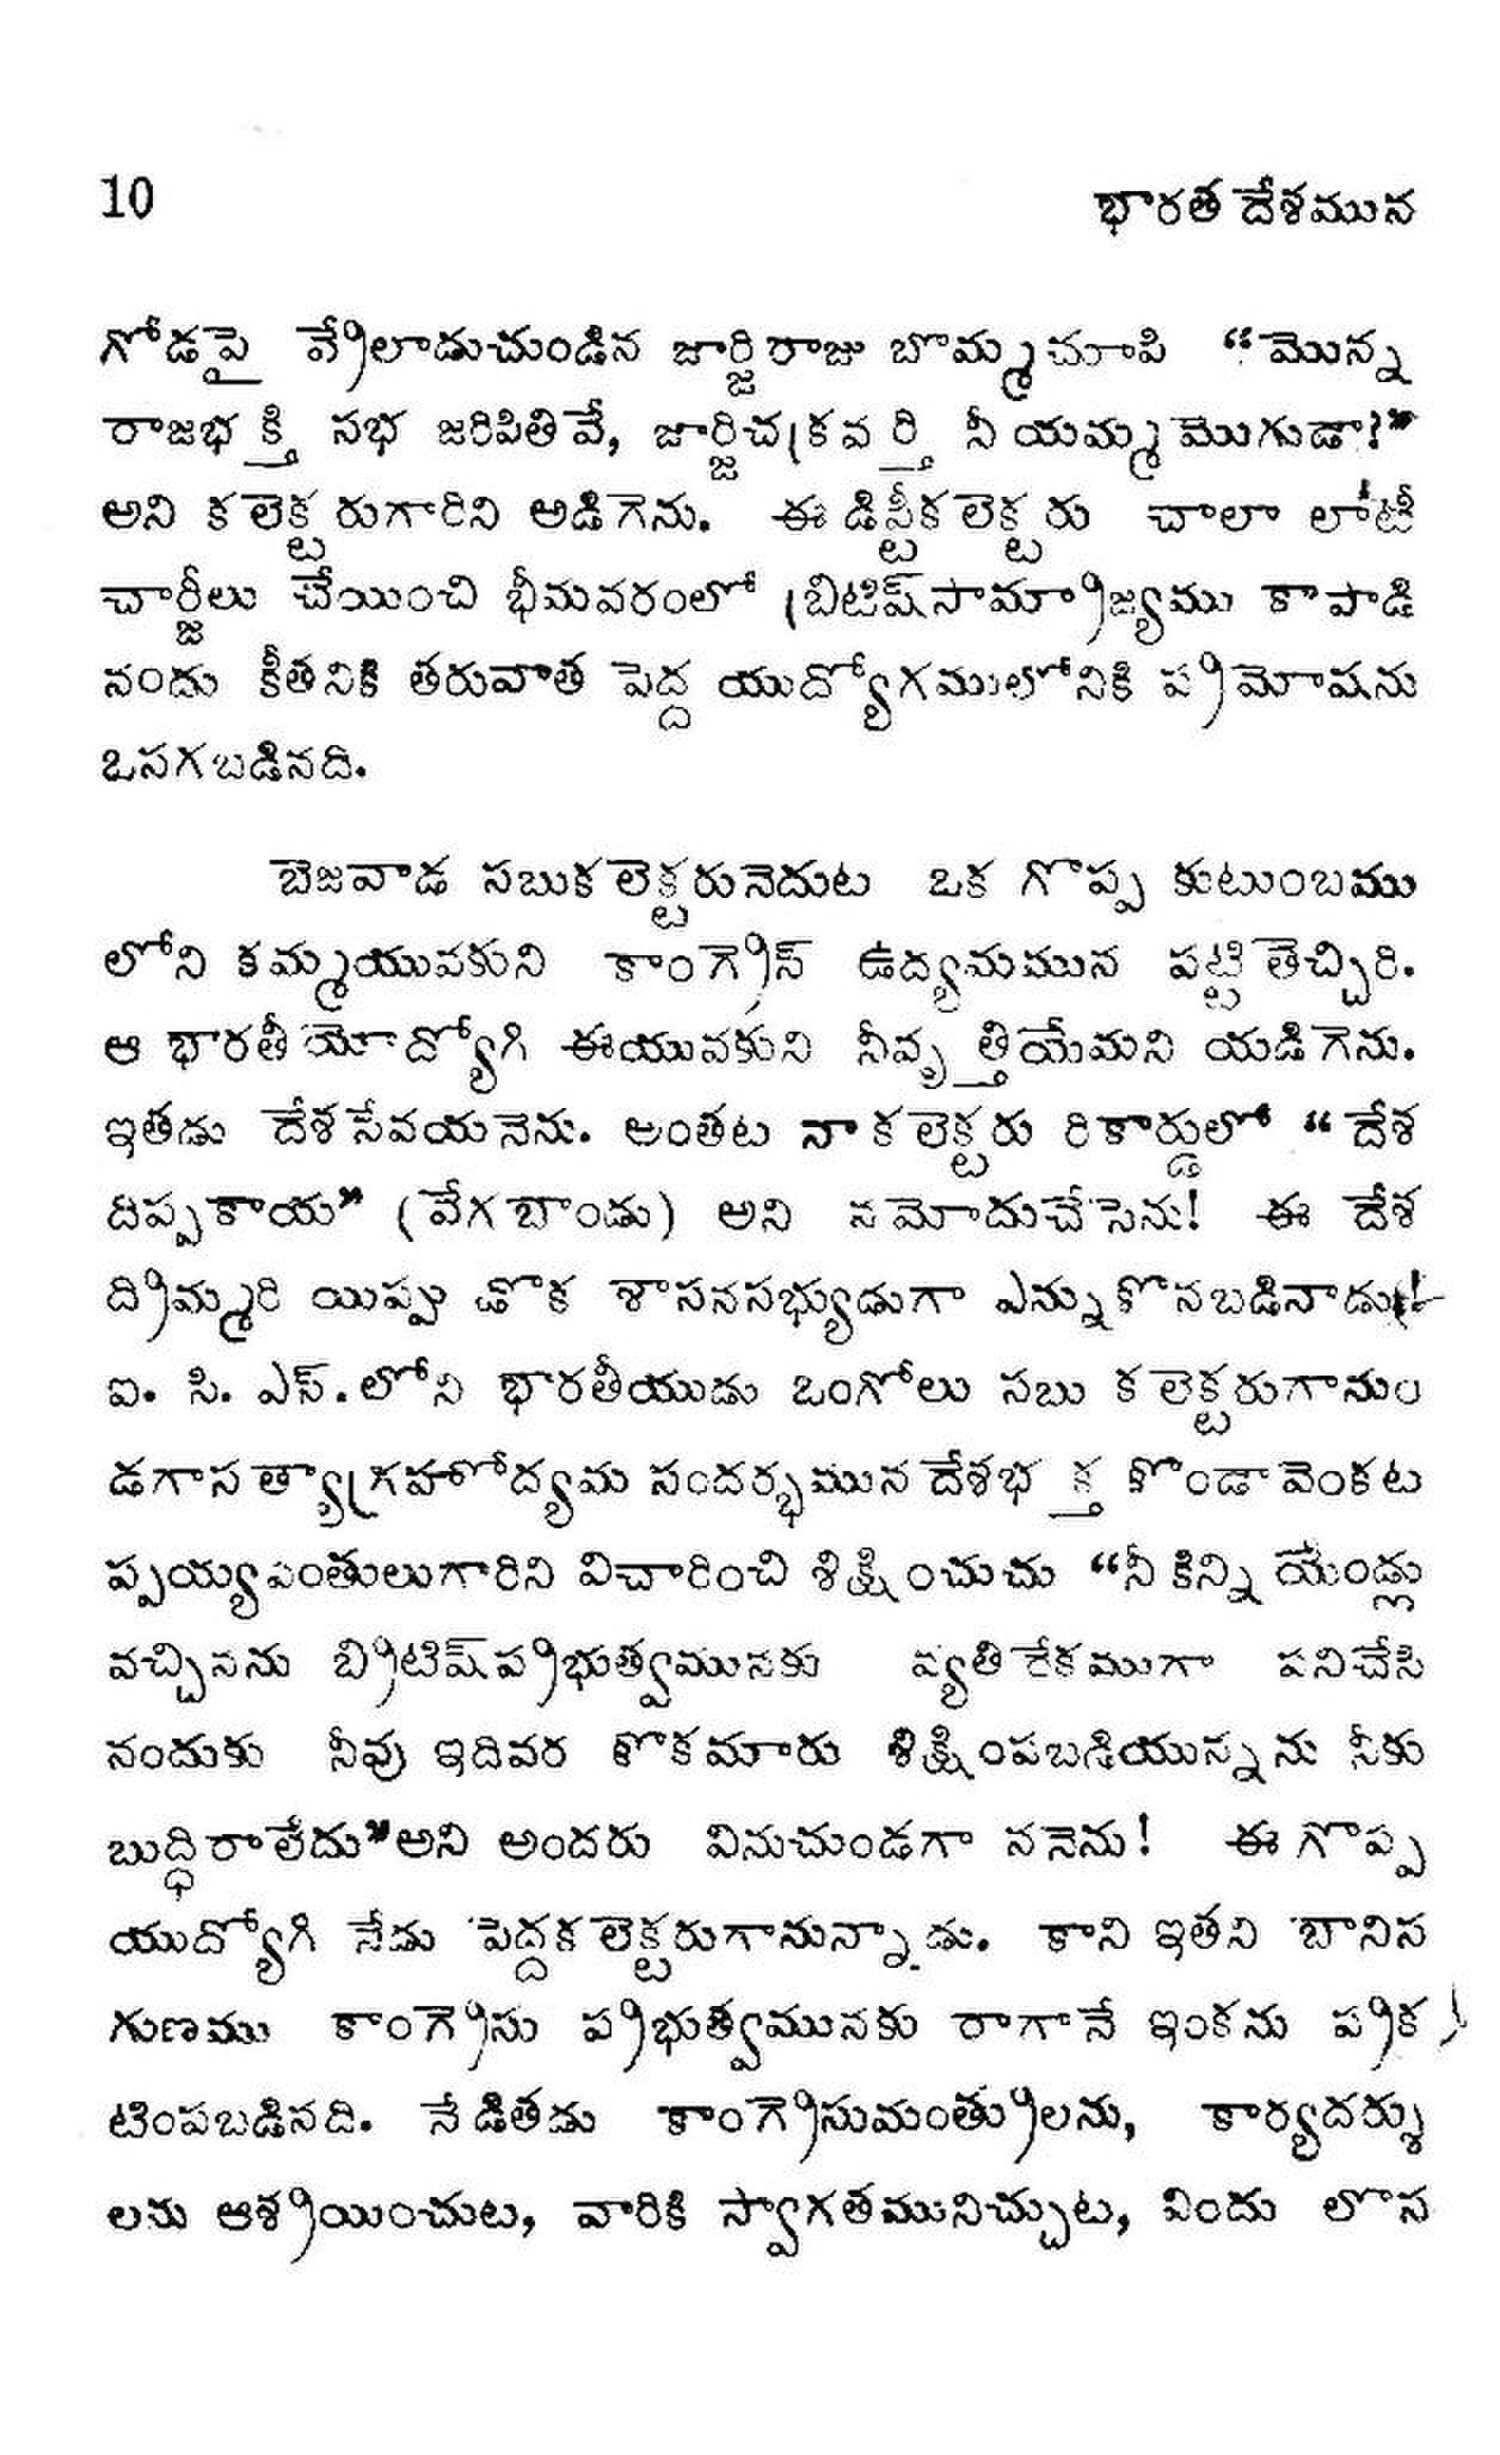గోడపై వ్రేలాడుచుండిన జార్జిరాజు బొమ్మచూపి “ మొన్న రాజభక్తి సభ జరిపితివే, జార్జిచక్రవర్తి, నీ యమ్మ మొగుడా?" అని కలెక్టరుగారిని అడిగెను. ఈ డిప్టీకలెక్టరు చాలా లాటీచార్జీలు చేయించి భీమవరంలో బ్రిటిష్‌సామ్రాజ్యము కాపాడినందు కితనికి తరువాత పెద్ద యుద్యోగములోనికి ప్రమోషను ఒసగబడినది.

బెజవాడ సబుకలెక్టరునెదుట ఒక గొప్ప కుటుంబములోని కమ్మయువకుని కాంగ్రెస్ ఉద్యమమున పట్టితెచ్చిరి. ఆ భారతీయోద్యోగి ఈయువకుని నీవృత్తియేమని యడిగెను. ఇతడు దేశసేవయనెను. అంతట నాకలెక్టరు రికార్డులో "దేశ దిప్పకాయ" (వేగబాండు) అని నమోదుచేసెను! ఈ దేశ ద్రిమ్మరి యిప్పు డొక శాసనసభ్యుడుగా ఎన్నుకొనబడినాడు. ఐ. సి. ఎస్. లోని భారతీయుడు ఒంగోలు సబు కలెక్టరుగానుండగా సత్యాగ్రహోద్యమ సందర్భమున దేశభక్త కొండావెంకటప్పయ్యపంతులుగారిని విచారించి శిక్షించుచు “నీ కిన్ని యేండ్లు వచ్చినను బ్రిటిష్‌ప్రభుత్వమునకు వ్యతిరేకముగా పనిచేసినందుకు నీవు ఇదివర కొకమారు శిక్షింపబడియున్నను నీకు బుద్దిరాలేదు" అని అందరు వినుచుండగా ననెను! ఈ గొప్ప యుద్యోగి నేడు పెద్దకలెక్టరుగానున్నాడు. కాని ఇతని బానిస గుణము కాంగ్రెసు ప్రభుత్వమునకు రాగానే ఇంకను ప్రకటింపబడినది. నేడితడు కాంగ్రెసుమంత్రులను, కార్యదర్శులను ఆశ్రయించుట, వారికి స్వాగతమునిచ్చుట, విందు లొస